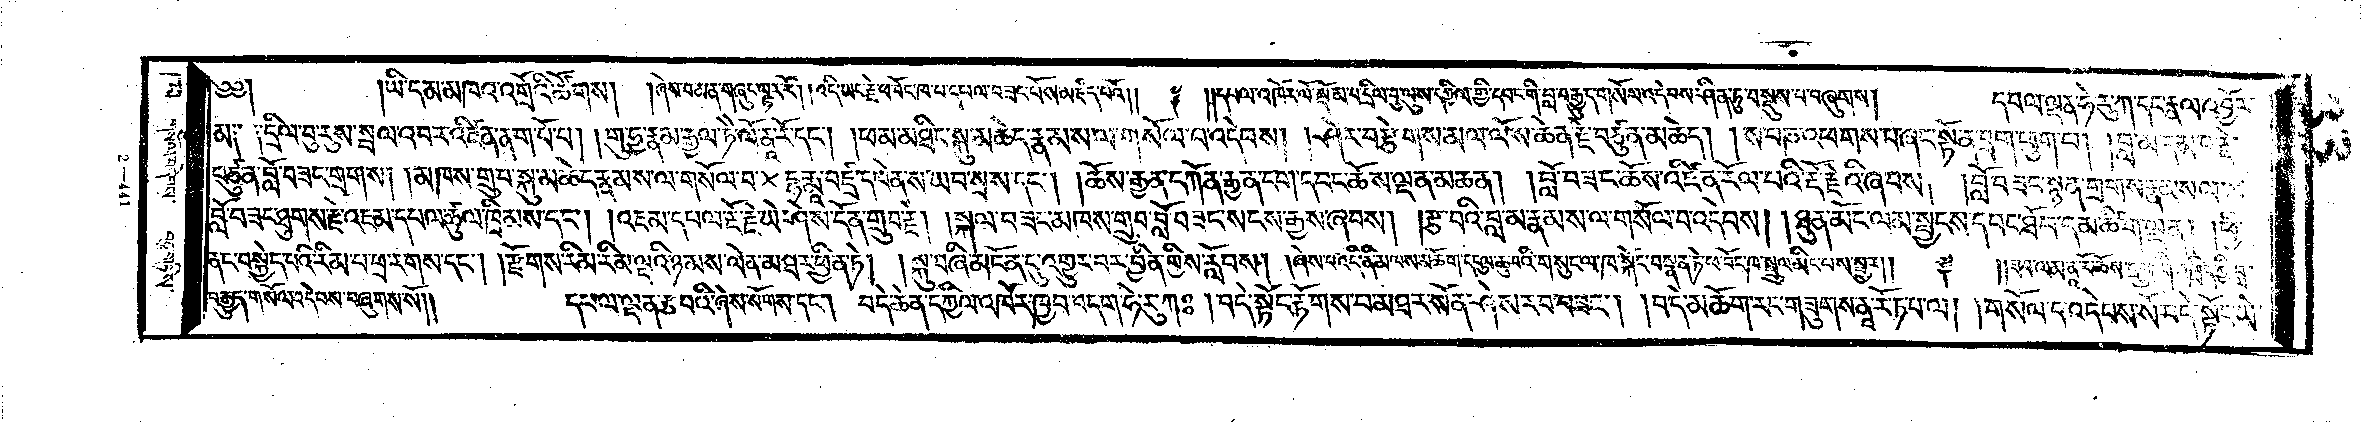༄༅། །ཡི་དམ་མཁའ་འགྲོའི་ཚོགས། །ཞེས་པ་མན་གཞུང་ལྟར་རོ། །འདི་ཡང་རྗེ་ལ་བོང་ཁ་པ་དཔལ་བཟང་པོས་མཛད་པའོ།།  ༈ །།དཔལ་འཁོར་ལོ་སྡོམ་པ་དྲིལ་བུ་ལུས་དཀྱིལ་གྱི་དབང་གི་བླ་བརྒྱུད་གསོལ་འདེབས་ཤིན་ཏུ་བསྡུས་པ་བཞུགས། དཔལ་ལྡན་ཧེ་རུ་ཀ་དང་རྣལ་འབྱོར་
མ༑ ༑དྲིལ་བུ་རུས་སྦལ་འབར་འཛིན་ནག་པོ་པ། །གུ་ཧྱ་རྣམ་རྒྱལ་ཏཻ་ལོ་ནཱ་རོ་དང་། །ཕམ་མཐིང་སྐུ་མཆེད་རྣམས་ལ་གསོལ་བ་འདེབས། །ཤེར་བརྩེགས་མལ་ལོ་ས་ཆེན་རྗེ་བཙུན་མཆེད། །ས་པཎ་འཕགས་པ་ཞང་སྟོན་བྲག་ཕུག་པ། །བླ་མ་དམ་པ་རྗེ་
བཙུན་བློ་བཟང་གྲགས། །མཁས་གྲུབ་སྐུ་མཆེད་རྣམས་ལ་གསོལ་བ་྾་དྷརྨཱ་བཛྲ་དབེན་ས་ཡབ་སྲས་དང་། །ཆོས་རྒྱན་དཀོན་རྒྱན་ངག་དབང་ཆོས་ལྡན་མཚན། །བློ་བཟང་ཆོས་འཛིན་རོལ་པའི་རྡོ་རྗེའི་ཞབས། །བློ་བཟང་སྙན་གྲགས་རྣམས་ལ་྾་
བློ་བཟང་ཐུགས་རྗེ་འཇམ་དཔལ་ཚུལ་ཁྲིམས་དང་། །འཇམ་དཔལ་རྡོ་རྗེ་ཡེ་ཤེས་དོན་གྲུབ་རྗེ། །སྐལ་བཟང་མཁས་གྲུབ་བློ་བཟང་སངས་རྒྱས་ཞབས། །རྩ་བའི་བླ་མ་རྣམས་ལ་གསོལ་བ་འདེབས། །ཐུན་མོང་ལམ་སྦྱངས་དབང་ཐོབ་དམ་ཚིག་ལྡན། །ཕྱི་
ནང་བསྐྱེད་པའི་རིམ་པ་ཕྲ་རགས་དང་། །རྫོགས་རིམ་རིམ་ལྔའི་ཉམས་ལེན་མཐར་ཕྱིན་ཏེ། །སྐུ་བཞི་མངོན་དུ་འགྱུར་བར་བྱིན་གྱིས་རློབས། །ཞེས་པ་འདི་ནི་མཁས་མཆོག་དངུལ་ཆུ་བའི་གསུང་ལ་ཁ་སྐོང་བསྣན་ཏེ་ཕ་བོང་ཁ་སྤྲུལ་མིང་པས་སྦྱར།། ༈ །།ཟབ་ལམ་ནཱ་རོ་ཆོས་དྲུག་གི་འཁྲིད་ཀྱི་བླ་
བརྒྱུད་གསོལ་འདེབས་བཞུགས་སོ།། དཔལ་ལྡན་རྩ་བའི་ཞེས་སོགས་དང་། བདེ་ཆེན་དཀྱིལ་འཁོར་ཁྱབ་བདག་ཧེ་རུ་ཀཿ །བདེ་སྟོང་རྟོགས་པ་མཐར་སོན་ཤེས་རབ་བཟང་། །བདེ་མཆོག་རང་གཟུགས་ནཱ་རོ་ཏ་པ་ལ། །གསོལ་བ་འདེབས་སོ་བདེ་སྟོང་ཡེ་